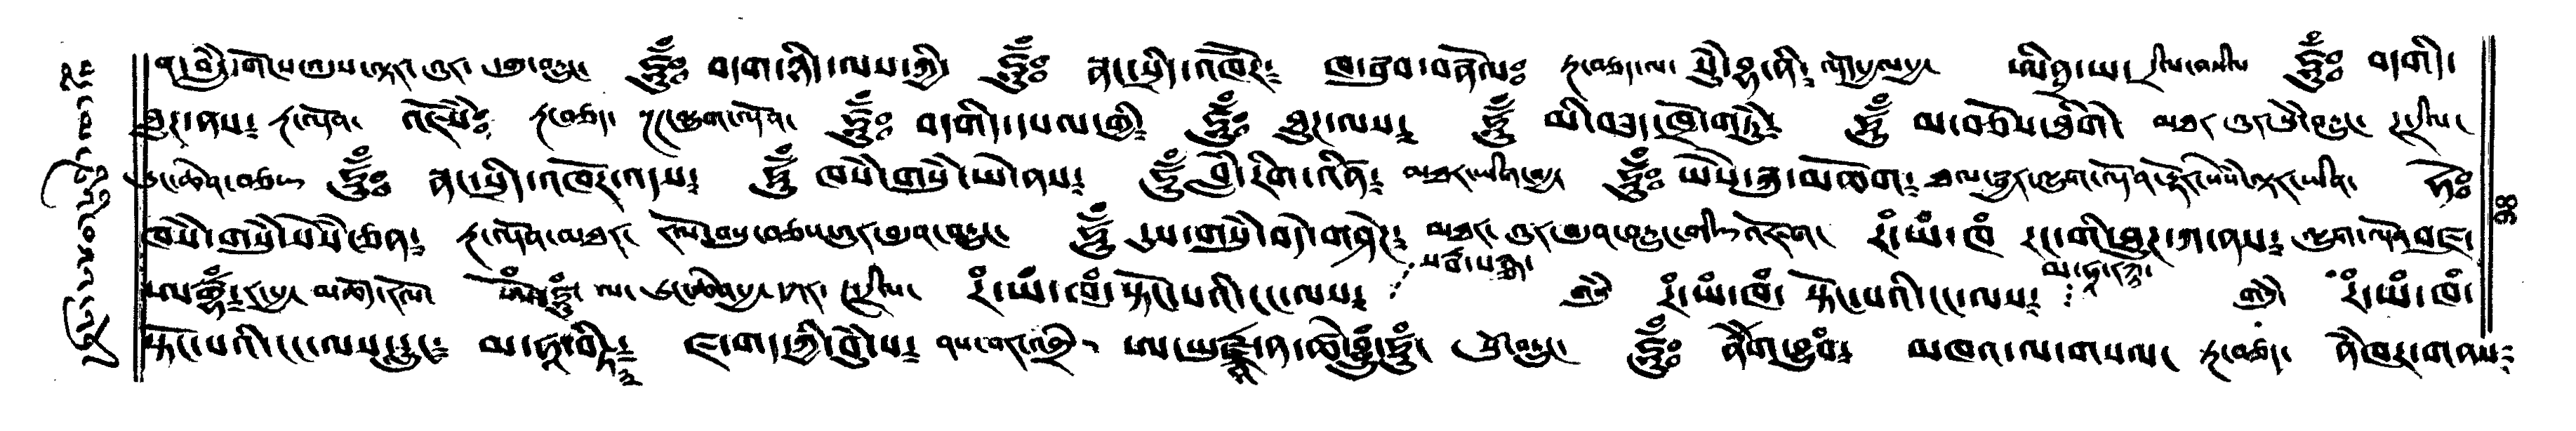༩༨༽ ན་བླ་མ་དགོངས་འདུས་ལྟར། འུར། དགུ་རྡུང་། ཧཱུྃ༔ བདག་ཉིད་ལས་ཀྱི༴ ཧཱུྃ༔ སྣང་སྲིད་འཁོར་ལོ༴ ཁ་སྦུབ་བསྣོལ༔ རྔ་བཅད་ལ། སུམ་བྷ་ནི༴ འདོད་རྒྱལ་རྒྱ། ཨིནྡྲ་ཡ༔ དྲིལ་བསིལ། ཧཱུྃ༔ བདག་ཉིད་
ཐུགས་ནས༴ རྔ་འདོན། འཇོམས༔ རྔ་གཅད། སྔགས་ལྷུག་འདོན། ཧཱུྃ༔ བདག་གི་དཔལ་གྱི༴ ཧཱུྃ༔ ཐུགས་ལས༴ ཧཱུྃ༔ མི་བཟད་ཁྲོ་གཏུམ་༴ ཧཱུྃ༔ མ་བཅོས་ཐིག་ལེ༴ མཐར་འུར་སུམ་རྡུང་། ཌཱ་དྲིལ་
དུང་ཆེན་བཅས། ཧཱུྃ༔ སྣང་སྲིད་འཁོར་འདས༴ ཧཱུྃ༔ ཁམས་གསུམ་ཡེ་ནས༴ ཧཱུྃ༔ བླ་མ་རིག་འཛིན༴ མཐར་ཡིག་བརྒྱ། ཧཱུྃ༔ ཡེ་ཤེས་སྐུ་མཆོག༴ ཐལ་སྦྱར་ལྷུག་འདོན་རྡོར་སེམས་ལྟར་ཡིན། ཧོ༔ 
ཁམས་གསུམ་སེམས་ཅན༴ རྔ་འདོན་མཐར། རོལ་བསུ་བཅས་འུར་བདུན་རྡུང་། ཧཱུྃ༔ དུས་གསུམ་བདེ་གཤེགས༴ མཐར། འུར་བདུན་རྡུང་གིས་འཇོག། རྃ་ཡྃ་ཁྃ༔ རང་གི་ཐུགས་ཀ་ནས༴ ལྷུག་འདོན་བཛྲ་
ཨརྒྷཾ༴ རང་རྒྱ། མཆོད་རོལ། ཨོཾ་ཧཱུཾ༴ ལ། དུང་ཆེན་རྒྱ་དཀར། ཌཱ་དྲིལ། རྃ་ཡྃ་ཁྃ་སྟོང་པའི་ངང་ལས༴ སརྦ་པཉྩ༴ གསུམ། རྃ་ཡྃ་ཁྃ༔ སྟོང་པའི་ངང་ལས༴ མ་ཧཱ་རཀྟ༴ གསུམ། རྃ་ཡྃ་ཁྃ་
སྟོང་པའི་ངང་ལས་རླུང་༴ མ་ཧཱ་བི་ཏ༴ ཛ་གད་ཀྱི་བུམ་པ༴ནས་བར་འགྲེལ། ཨ་ཡུརྫྙ་ན་ཚེ་བྷྲུྃ་ཧཱུྃ། སུམ་རྡུང་། ཧཱུྃ༔ རྣམ་དག་བྱང་ཆུབ༴ མཁའ་ལ་གསལ། རྔ་གཅད། ནམ་མཁར་གནས༴